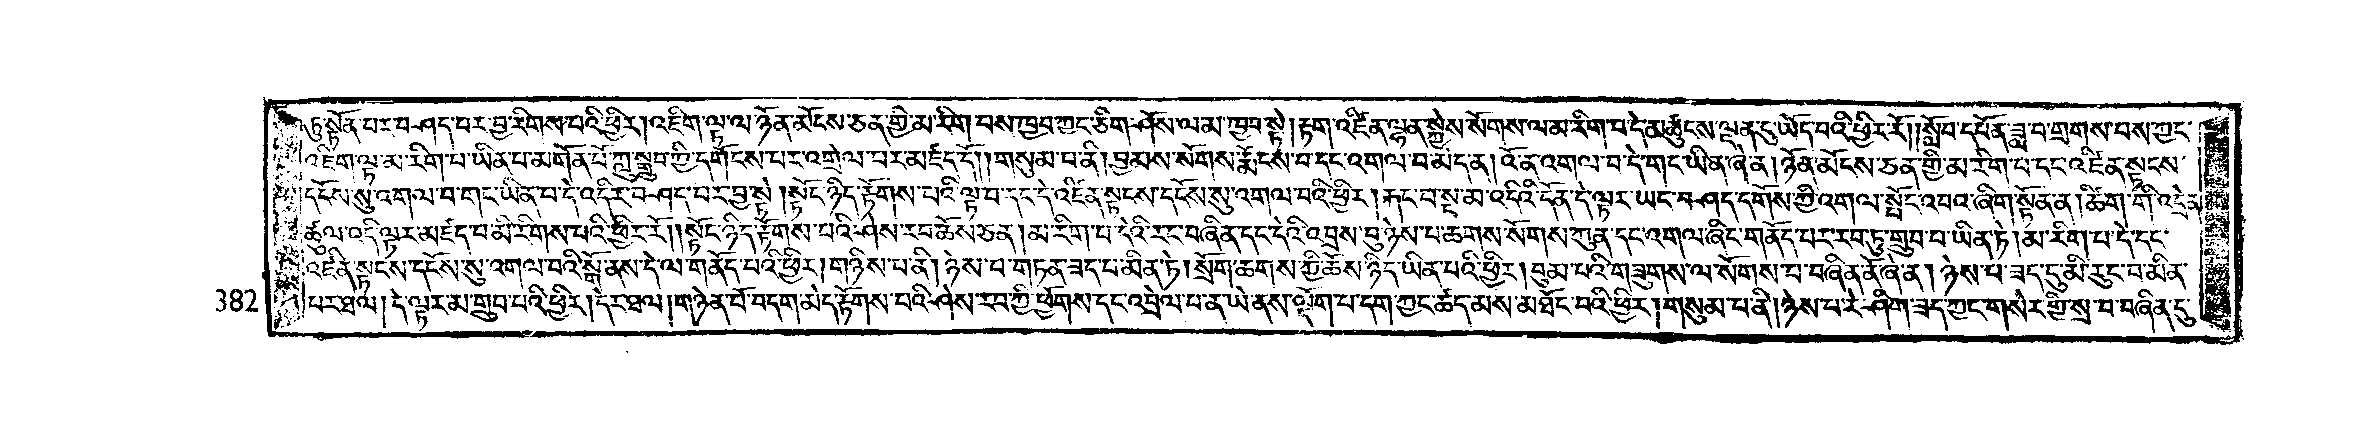ཏུ་སྟོན་པར་བཤད་པར་བྱ་རིགས་པའི་ཕྱིར། འཇིག་ལྟ་ལ་ཉོན་མོངས་ཅན་གྱི་མ་རིག་པས་ཁྱབ་ཀྱང་ཅིག་ཤོས་ལ་མ་ཁྱབ་སྟེ། རྟག་འཛིན་ལྷན་སྐྱེས་སོགས་ལ་མ་རིག་པ་དེ་མཚུངས་ལྡན་དུ་ཡོད་པའི་ཕྱིར་རོ། །སློབ་དཔོན་ཟླ་བ་གྲགས་པས་ཀྱང་
འཇིག་ལྟ་མ་རིག་པ་ཡིན་པ་མགོན་པོ་ཀླུ་སྒྲུབ་ཀྱི་དགོངས་པར་འགྲེལ་པར་མཛད་དོ། །གསུམ་པ་ནི། བྱམས་སོགས་རྨོངས་བ་དང་འགལ་བ་མེད་ན། འོ་ན་འགལ་བ་དེ་གང་ཡིན་ཞེ་ན། ཉོན་མོངས་ཅན་གྱི་མ་རིག་པ་དང་འཛིན་སྟངས་
དངོས་སུ་འགལ་བ་གང་ཡིན་པ་དེ་འདིར་བཤད་པར་བྱ་སྟེ། སྟོང་ཉིད་རྟོགས་པའི་ལྟ་བ་དང་དེ་འཛིན་སྟངས་དངོས་སུ་འགལ་བའི་ཕྱིར། རྐང་པ་སྔ་མ་འདིའི་དོན་དེ་ལྟར་ཡང་བཤད་དགོས་ཀྱི་འགལ་སྤོང་འབའ་ཞིག་སྟོན་ན། ཚིག་གི་འདྲེན་
ཚུལ་འདི་ལྟར་མཛད་པ་མི་རིགས་པའི་ཕྱིར་རོ། །སྟོང་ཉིད་རྟོགས་པའི་ཤེས་རབ་ཆོས་ཅན། མ་རིག་པ་དེའི་རང་བཞིན་དང་དེའི་འབྲས་བུ་ཉེས་པ་ཆགས་སོགས་ཀུན་དང་འགལ་ཞིང་གནོད་པར་རབ་ཏུ་གྲུབ་པ་ཡིན་ཏེ། མ་རིག་དེ་དན་
འཛིན་སྟངས་དངོས་སུ་འགལ་བའི་སྒོ་ནས་དེ་ལ་གནོད་པའི་ཕྱིར། གཉིས་པ་ནི། ཉེས་པ་གཏན་ཟད་པ་མིན་ཏེ། སྲོག་ཆགས་ཀྱི་ཆོས་ཉིད་ཡིན་པའི་ཕྱིར། བུམ་པའི་གཟུགས་ལ་སོགས་པ་བཞིན་ནོ་ཞེ་ན། ཉེས་པ་ཟད་དུ་མི་རུང་བ་མིན་
པར་ཐལ། དེ་ལྟར་མ་གྲུབ་པའི་ཕྱིར། དེར་ཐལ། གཉེན་པོ་བདག་མེད་རྟོགས་པའི་ཤེས་རབ་ཀྱི་ཕྱོགས་དང་འབྲེལ་པ་ན་ཡེ་ནས་ལྡོག་པ་དག་ཀྱང་ཚད་མས་མཐོང་བའི་ཕྱིར། གསུམ་པ་ནི། ཉེས་པ་རེ་ཤིག་ཟད་ཀྱང་གསེར་གྱི་སྲ་བ་བཞིན་དུ་